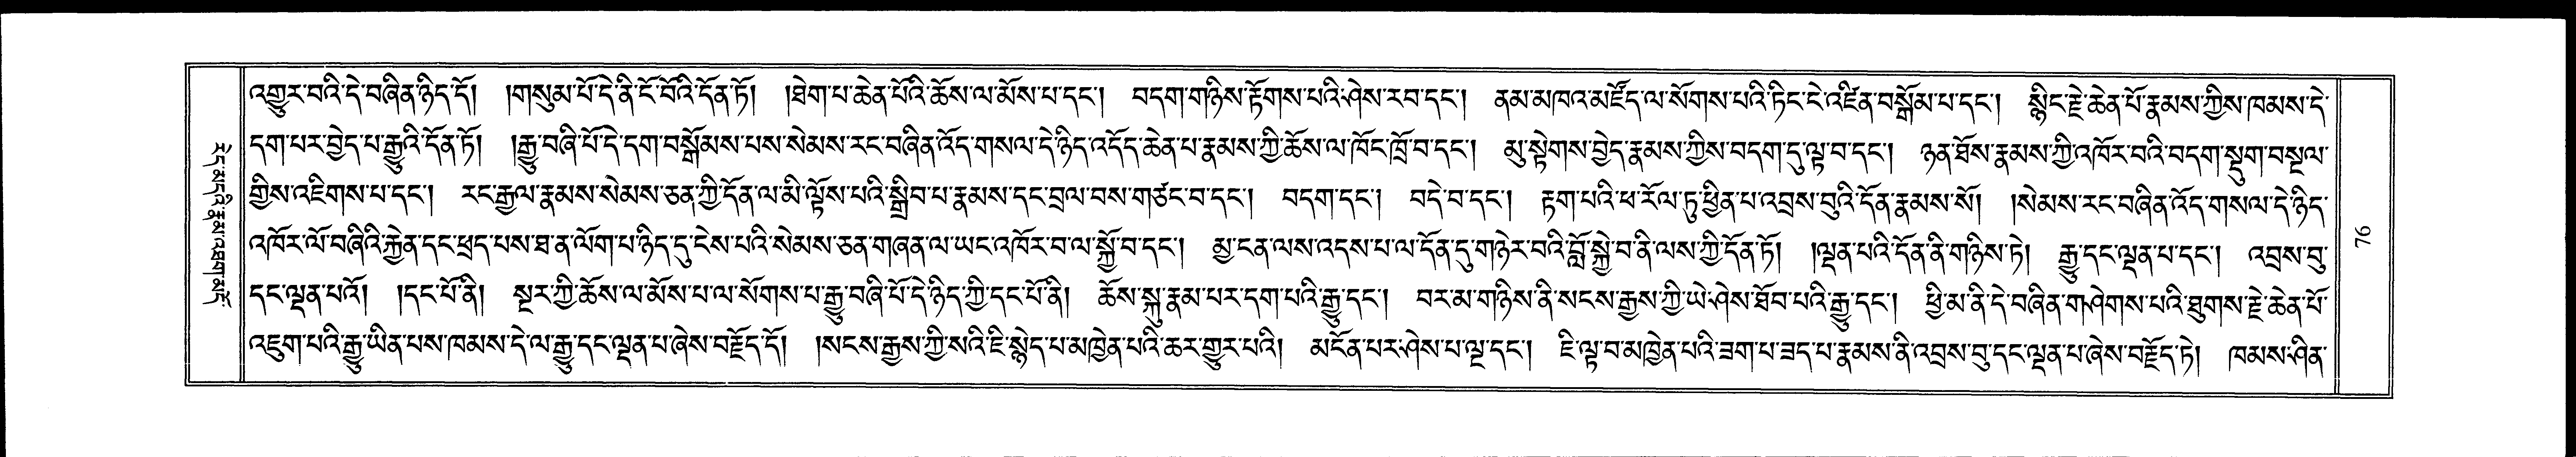འགྱུར་བའི་དེ་བཞིན་ཉིད་དོ། །གསུམ་པོ་དེ་ནི་ངོ་བོའི་དོན་ཏོ། །ཐེག་པ་ཆེན་པོའི་ཆོས་ལ་མོས་པ་དང་། བདག་གཉིས་རྟོགས་པའི་ཤེས་རབ་དང་། ནམ་མཁའ་མཛོད་ལ་སོགས་པའི་ཏིང་ངེ་འཛིན་བསྒོམ་པ་དང་། སྙིང་རྗེ་ཆེན་པོ་རྣམས་ཀྱིས་ཁམས་དེ་
དག་པར་བྱེད་པ་རྒྱུའི་དོན་ཏོ། །རྒྱུ་བཞི་པོ་དེ་དག་བསྒོམས་པས་སེམས་རང་བཞིན་འོད་གསལ་དེ་ཉིད་འདོད་ཆེན་པ་རྣམས་ཀྱི་ཆོས་ལ་ཁོང་ཁྲོ་བ་དང་། མུ་སྟེགས་བྱེད་རྣམས་ཀྱིས་བདག་དུ་ལྟ་བ་དང་། ཉན་ཐོས་རྣམས་ཀྱི་འཁོར་བའི་བདག་སྡུག་བསྔལ་
གྱིས་འཇིགས་པ་དང་། རང་རྒྱལ་རྣམས་སེམས་ཅན་གྱི་དོན་ལ་མི་ལྟོས་པའི་སྒྲིབ་པ་རྣམས་དང་བྲལ་བས་གཙང་བ་དང་། བདག་དང་། བདེ་བ་དང་། རྟག་པའི་ཕ་རོལ་ཏུ་ཕྱིན་པ་འབྲས་བུའི་དོན་རྣམས་སོ། །སེམས་རང་བཞིན་འོད་གསལ་དེ་ཉིད་
འཁོར་ལོ་བཞིའི་རྐྱེན་དང་ཕྲད་པས་ཐ་ན་ལོག་པ་ཉིད་དུ་ངེས་པའི་སེམས་ཅན་གཞན་ལ་ཡང་འཁོར་བ་ལ་སྐྱོ་བ་དང་། མྱ་ངན་ལས་འདས་པ་ལ་དོན་དུ་གཉེར་པའི་བློ་སྐྱེ་བ་ནི་ལས་ཀྱི་དོན་ཏོ། །ལྡན་པའི་དོན་ནི་གཉིས་ཏེ། རྒྱུ་དང་ལྡན་པ་དང་། འབྲས་བུ་
དང་ལྡན་པའོ། །དང་པོ་ནི། སྔར་ཀྱི་ཆོས་ལ་མོས་པ་ལ་སོགས་པ་རྒྱུ་བཞི་པོ་དེ་ཉིད་ཀྱི་དང་པོ་ནི། ཆོས་སྐུ་རྣམ་པར་དག་པའི་རྒྱུ་དང་། བམ་པ་གཉིས་ནི་སངས་རྒྱས་ཀྱི་ཡེ་ཤེས་ཐོབ་པའི་རྒྱུ་དང་། ཕྱི་མ་ནི་དེ་བཞིན་གཤེགས་པའི་ཐུགས་རྗེ་ཆེན་པོ་
འཇུག་པའི་རྒྱུ་ཡིན་པས་ཁམས་དེ་ལ་རྒྱུ་དང་ལྡན་པ་ཞེས་བརྗོད་དོ། །སངས་རྒྱས་ཀྱི་སའི་ཇི་སྙེད་པ་མཁྱེན་པའི་ཆར་གྱུར་པའི། མངོན་པར་ཤེས་པ་ལྔ་དང་། ཇི་ལྟ་བ་མཁྱེན་པའི་ཟག་པ་ཟད་པ་རྣམས་ནི་འབྲས་བུ་དང་ལྡན་པ་ཞེས་བརྗོད་ཏེ། ཁམས་ཤིན་